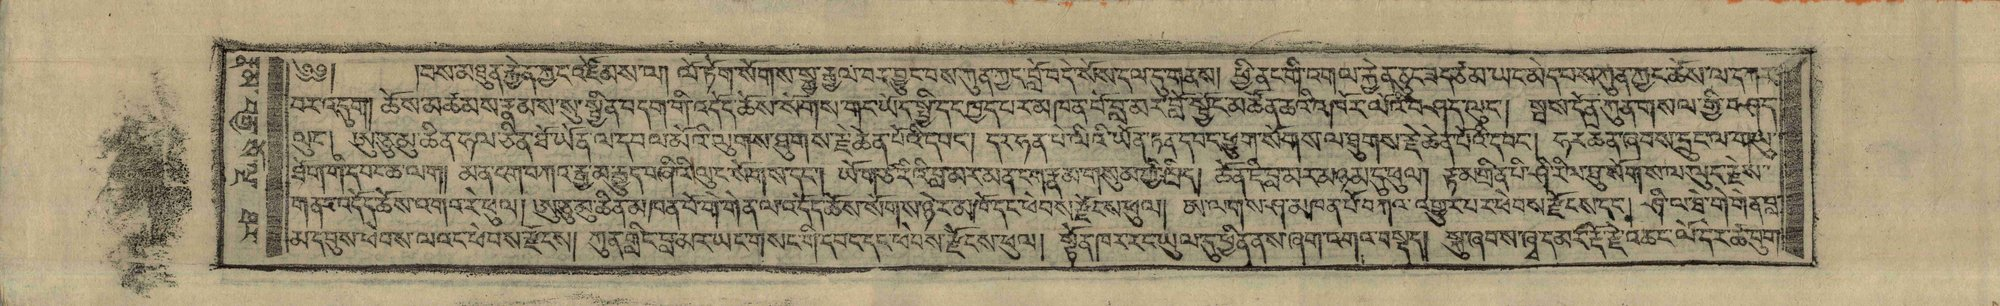༄༅། །བས་མཐུན་རྐྱེན་ཀྱང་འཛོམས་ལ། ལོ་ཏོག་སོགས་སྐྱ་རྒྱལ་བར་བྱུང་བས་ཀུན་ཀྱང་བློ་བདེ་སོས་དལ་དུ་གནས། ཕྱི་ནང་གི་འགལ་རྐྱེན་ཅུང་ཟད་ཙམ་ཡང་མེད་པས་ཀུན་ཀྱང་ཆོས་ལ་དཀར་
བར་འདུག །ཆོས་མཚམས་རྣམས་སུ་སྦྱིན་བདག་གི་འདོད་ཆོས་སོགས་གང་ཡོད་སྤྱི་དང་ཁྱད་པར་མཁན་པོ་བླ་མར་བློ་སྦྱོང་མཚོན་ཆའི་འཁོར་ལོའི་བཤད་ལུང་། སྤས་དོན་ཀུན་གསལ་གྱི་བཤད་
ལུང་། ཨུ་ཅུ་མུ་ཆིན་ཧལ་ཅིན་ཐོ་ཡོན་ལ་དཔལ་མོའི་ལུགས་ཐུགས་རྗེ་ཆེན་པོའི་དབང་། དར་ཧན་པེ་ལིའི་ཡོན་ཏན་དབང་ཕྱུག་སོགས་ལ་ཐུགས་རྗེ་ཆེན་པོའི་དབང་། ཧར་ཆེན་ཞབས་དྲུང་ལ་གཡུ་
ཐོག་གི་དབང་ཆ་ལག །མན་ངག་བཀའ་རྒྱ་མ་རྒྱུད་བཞིའི་ལུང་སོགས་དང་། ཡོ་ག་ཙ་རིའི་བླ་མར་མན་ངག་རྣམ་གསུམ་གྱི་ཁྲིད། ཆོན་ཇི་བླ་མར་མཉམ་དུ་ཕུལ། རྟ་མགྲིན་པི་ཤི་རིལ་ཐུ་སོགས་ལ་ལུང་རྗེས་
གནང་འདོད་ཆོས་འགའ་རེ་ཕུལ། ཨུ་ཅུ་མུ་ཆིན་མཁན་པོ་གེ་གེན་ལ་འདོད་ཆོས་སོགས་ཉེར་མཁོ་དང་ཕེབས་རྫོངས་ཕུལ། ཨ་ལགས་ཤ་མཁན་པོ་བཀའ་འགྱུར་པར་ཕེབས་རྫོངས་དང་། ཤི་ལ་ཐེ་གེ་གེན་བླ་
མ་དབུས་ཕེབས་ལའང་ཕེབས་རྫོངས། ཀུན་གླིང་བླ་མར་ཡང་གསང་གི་དབང་དང་ཕེབས་རྫོངས་ཕུལ། སྟོན་ཁར་རང་ཡུལ་དུ་ཕྱིན་ནས་ཞག་འགའ་བསྡད། སྐུ་ཞབས་ཞྭ་དམར་རྡོ་རྗེ་འཆང་ལོ་དེར་ཚ་བུག་